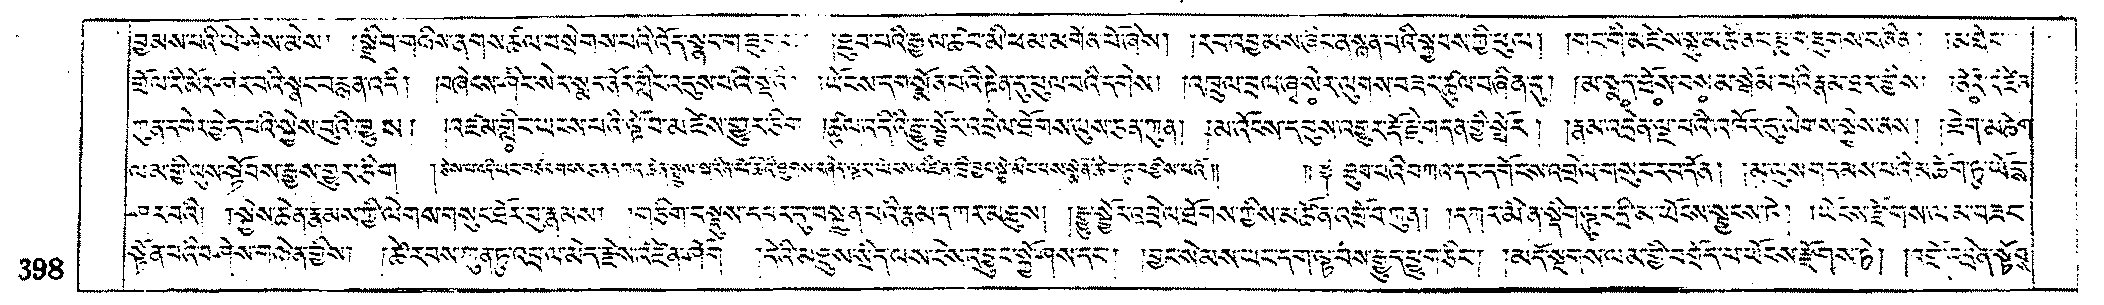བྱམས་པའི་ཡེ་ཤེས་མེས། །སྒྲིབ་གཉིས་ནགས་ཚལ་བསྲེགས་པའི་འོད་སྣང་གཟུགས། །ཐུབ་པའི་རྒྱལ་ཚབ་མི་ཕམ་མགོན་པོ་ཞེས། །རབ་འབྱམས་ཞིང་ན་སྙན་པའི་སྐྱབས་ཀྱི་ཕུལ། །གང་གི་མཛེས་སྐུ་མཚོ་ནང་ཟླ་གཟུགས་བཞིན། །མཐེང་་་
གྲོལ་རི་མོར་ཤར་བའི་སྣང་བརྙན་འདི། །བཞེངས་ཤིང་སེར་སྨད་ནོར་གླིང་འདུས་པའི་སྡེའི། །ཡོངས་དག་སྨོན་པའི་རྟེན་དུ་ཕུལ་བའི་དགེས། །འཁྲུལ་བྲལ་ཞྭ་སེར྾་ལུགས་བཟང་ཚུལ་བཞིན་དུ། །མ་སྨད྾་ཐོས྾་བསམ྾་སྒོམ་པའི་རྣམ་ཐར་གྱིས། །ནོར྾་འཛིན་
ཀུན་དགེར་བྱེད་པའི་སྐྱེས་བུའི་ཁྱུས། །འཛམ་གླིང྾་ཡངས་པའི་ལྟོ་བ་མཛེས་གྱུར་ཅིག །ཚུལ་འདིའི་རྒྱུ་སྦྱོར་འབྲེལ་ཐོགས་ལུས་ཅན་ཀུན། །མ་འོངས་དབུས་འགྱུར་རྡོ་རྗེ་གདན་གྱི་སྤོར། །རྣམ་འདྲེན་ལྔ་པའི་འཁོར་དུ་ལེགས་སྐྱེས་ནས། །ཐེག་མཆོག་
ལམ་གྱི་ལུས་སྟོབས་རྒྱས་གྱུར་ཅིག་།ཅེས་པ་འདི་ཡང་གཙང་གངས་ཅན་དཀའ་ཆེན་སྤྲུལ་སྐུ་རིན་པོ་ཆེའི་ཐུགས་བཞེད་ལྟར་ཡོངས་འཛིན་ཁྲི་བྱང་སྐྱེ་མིང་པས་སྨོན་ཚིག་ཏུ་བགྱིས་པའོ།།  །།འ་ཐུབ་པའི་བཀའ་དང་དགོངས་འགྲེལ་གསུང་རབ་དོན། །མ་ལུས་གདམས་པའི་མཆོག་ཏུ་ཡོངས་
ཤར་བའི། །སྐྱེས་ཆེན་རྣམས་ཀྱི་ལེགས་གསུང་ཐོར་བུ་རྣམས། །གཅིག་བསྡུས་དཔར་དུ་བསྐྲུན་པའི་རྣམ་དཀར་མཐུས། །རྒྱུ་སྦྱོར་འབྲེལ་ཐོགས་ཀྱིས་མཚོན་འགྲོ་བ་ཀུན། །དཀར་མིན་སྡིག་ལྟུང་དྲི་མ་ཡོངས་སྦྱངས་ཏེ། །ཡོངས་རྫོགས་ལམ་བཟང་
སྟོན་པའི་བཤེས་གཉེན་གྱིས། །ཚེ་རབས་ཀུན་ཏུ་འབྲལ་མེད་རྗེས་འཛིན་ཤོག །དེའི་མཐུས་སྲིད་ལས་ངེས་འབྱུང་སྐྱོ་ཤས་དང་། །བྱང་སེམས་ཡང་དག་ལྟ་བས་རྒྱུད་ཕྱུག་ཅིང་། །མདོ་སྔགས་ལམ་གྱི་བགྲོད་པ་ཡོངས་རྫོགས་ཏེ། །འགྲོ་འདྲེན་སྟོབས་